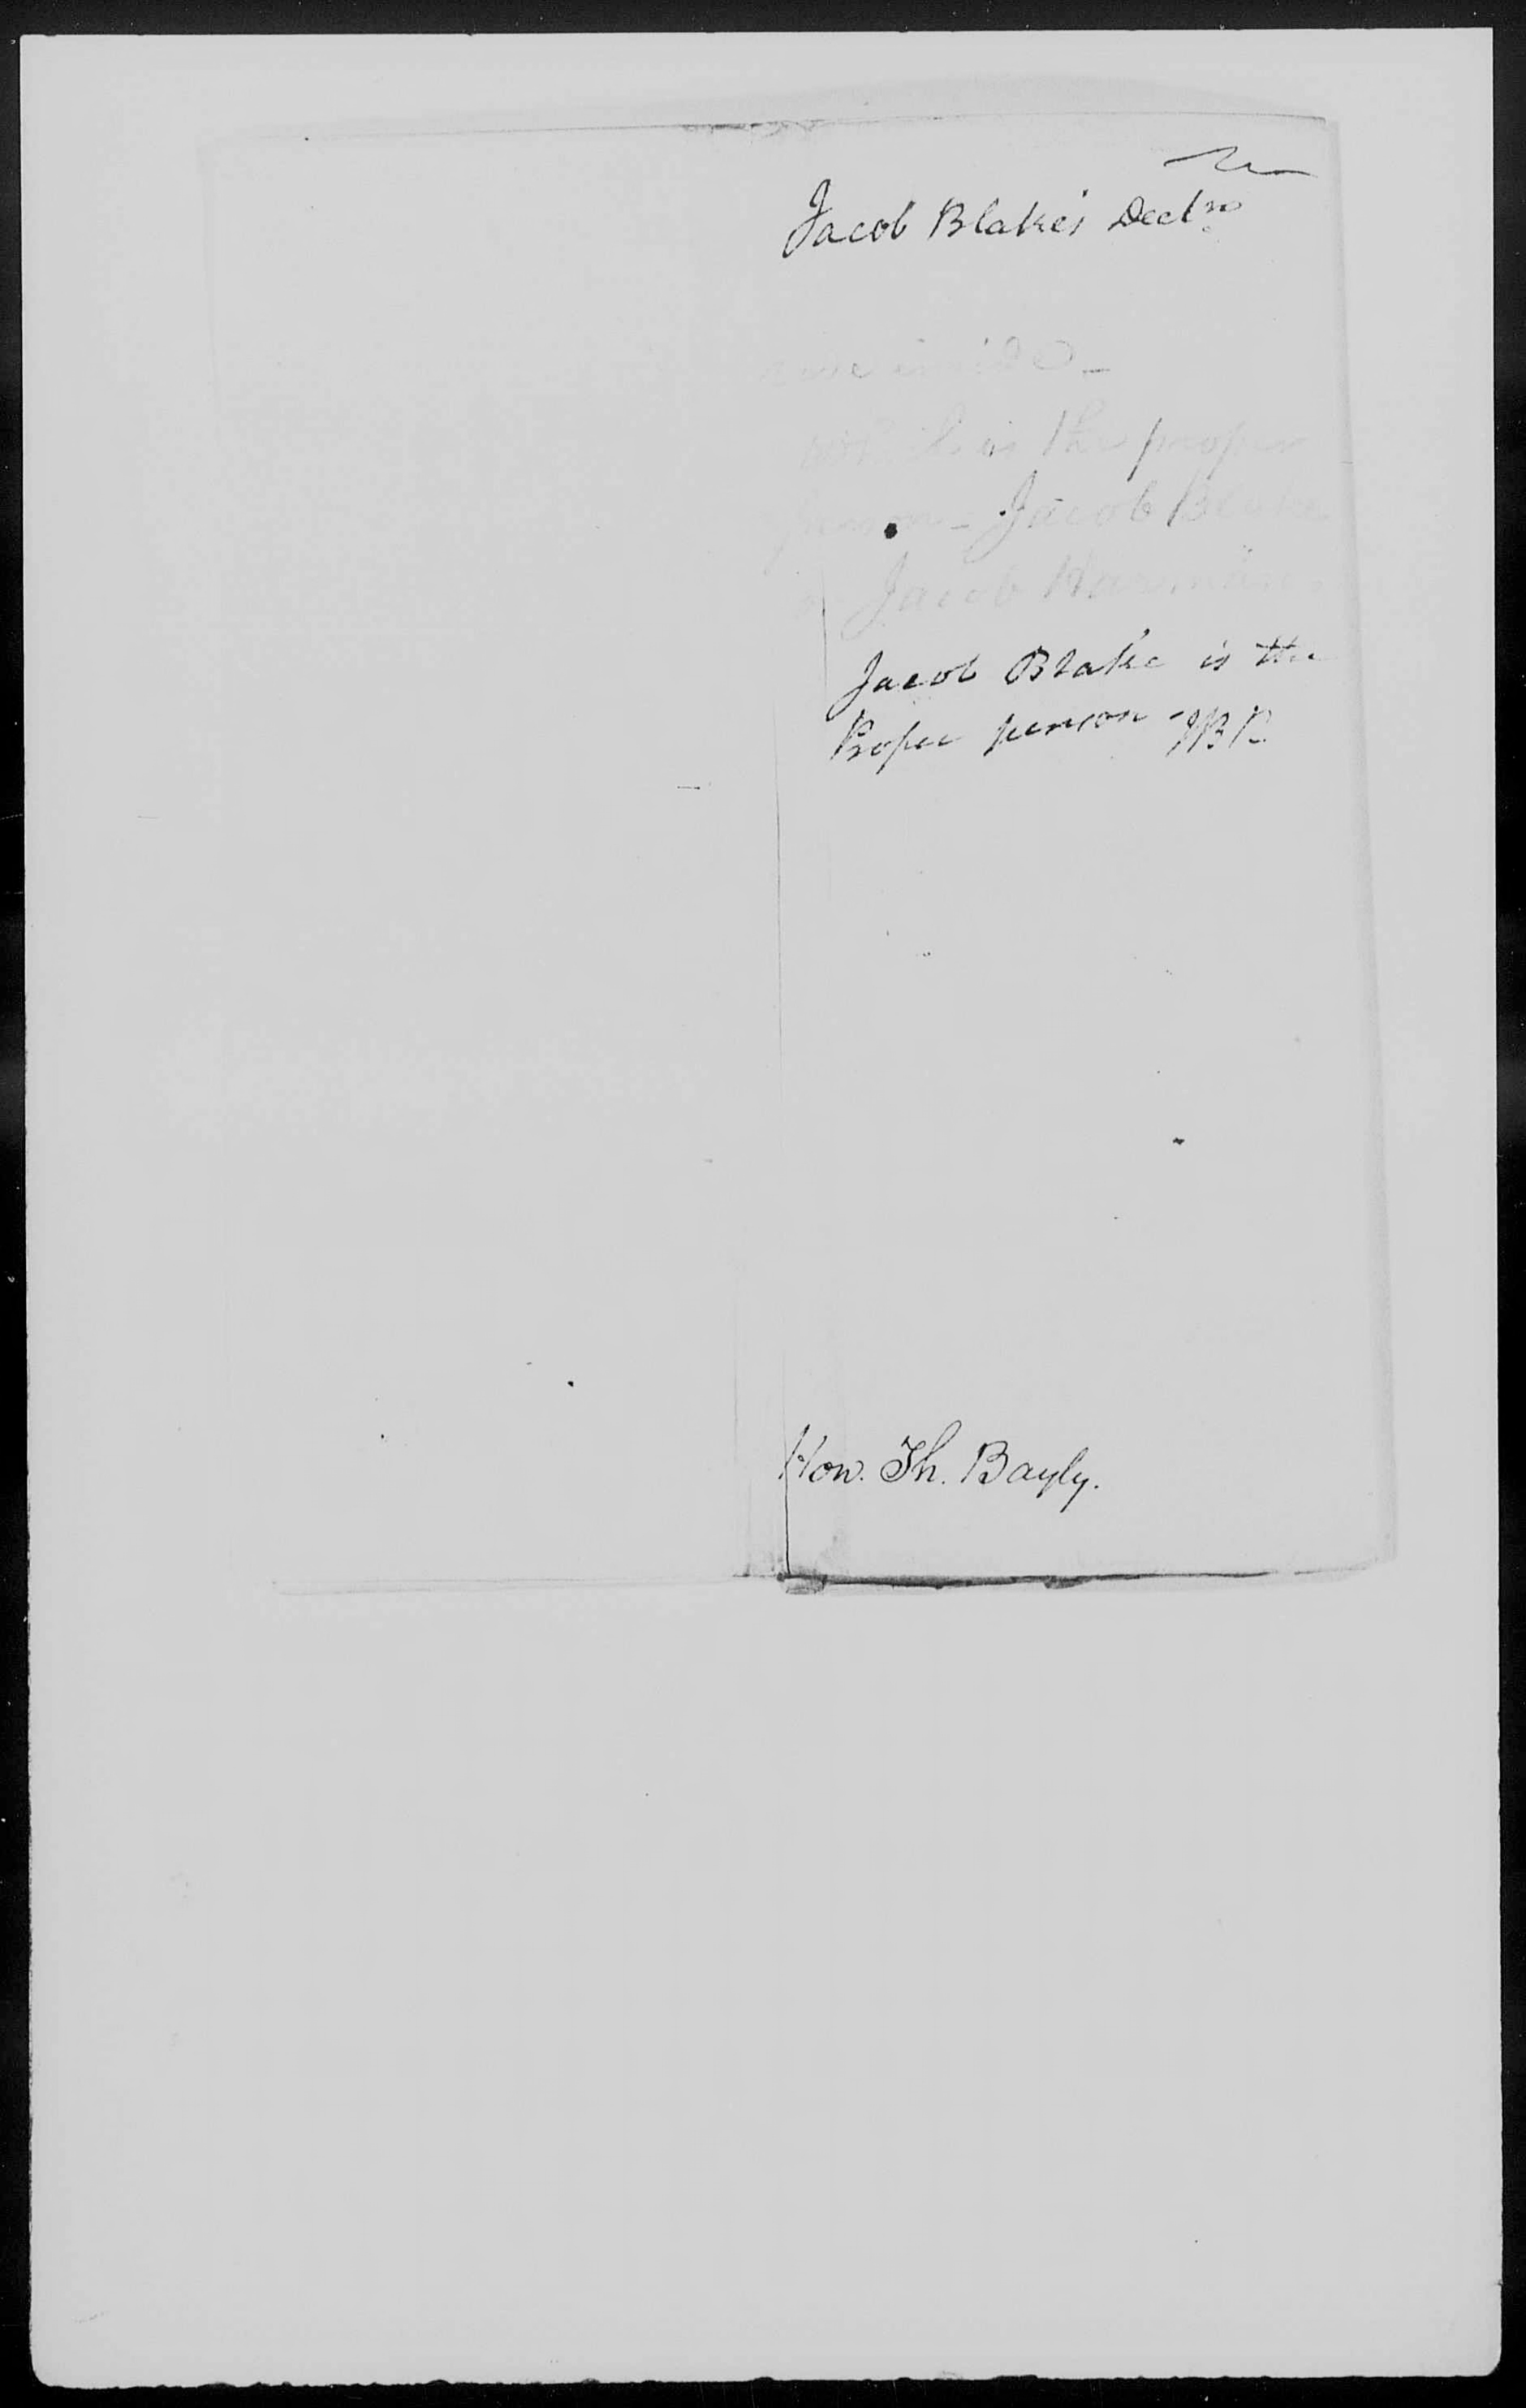Jacob Blake's Decl.

Too light to read
which is the proper person - Jacob Blake and Jacob Harman

Jacob Blank is the proper person - J.B.

Hon. Th. Bayly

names: Jacob Harman, Jacob Blake, John Theoprooper, Th Bayly, Jacob Blake, Jacob Blake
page: 12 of 18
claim: survivor's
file: S. 34654, Jacob Blake, Md.